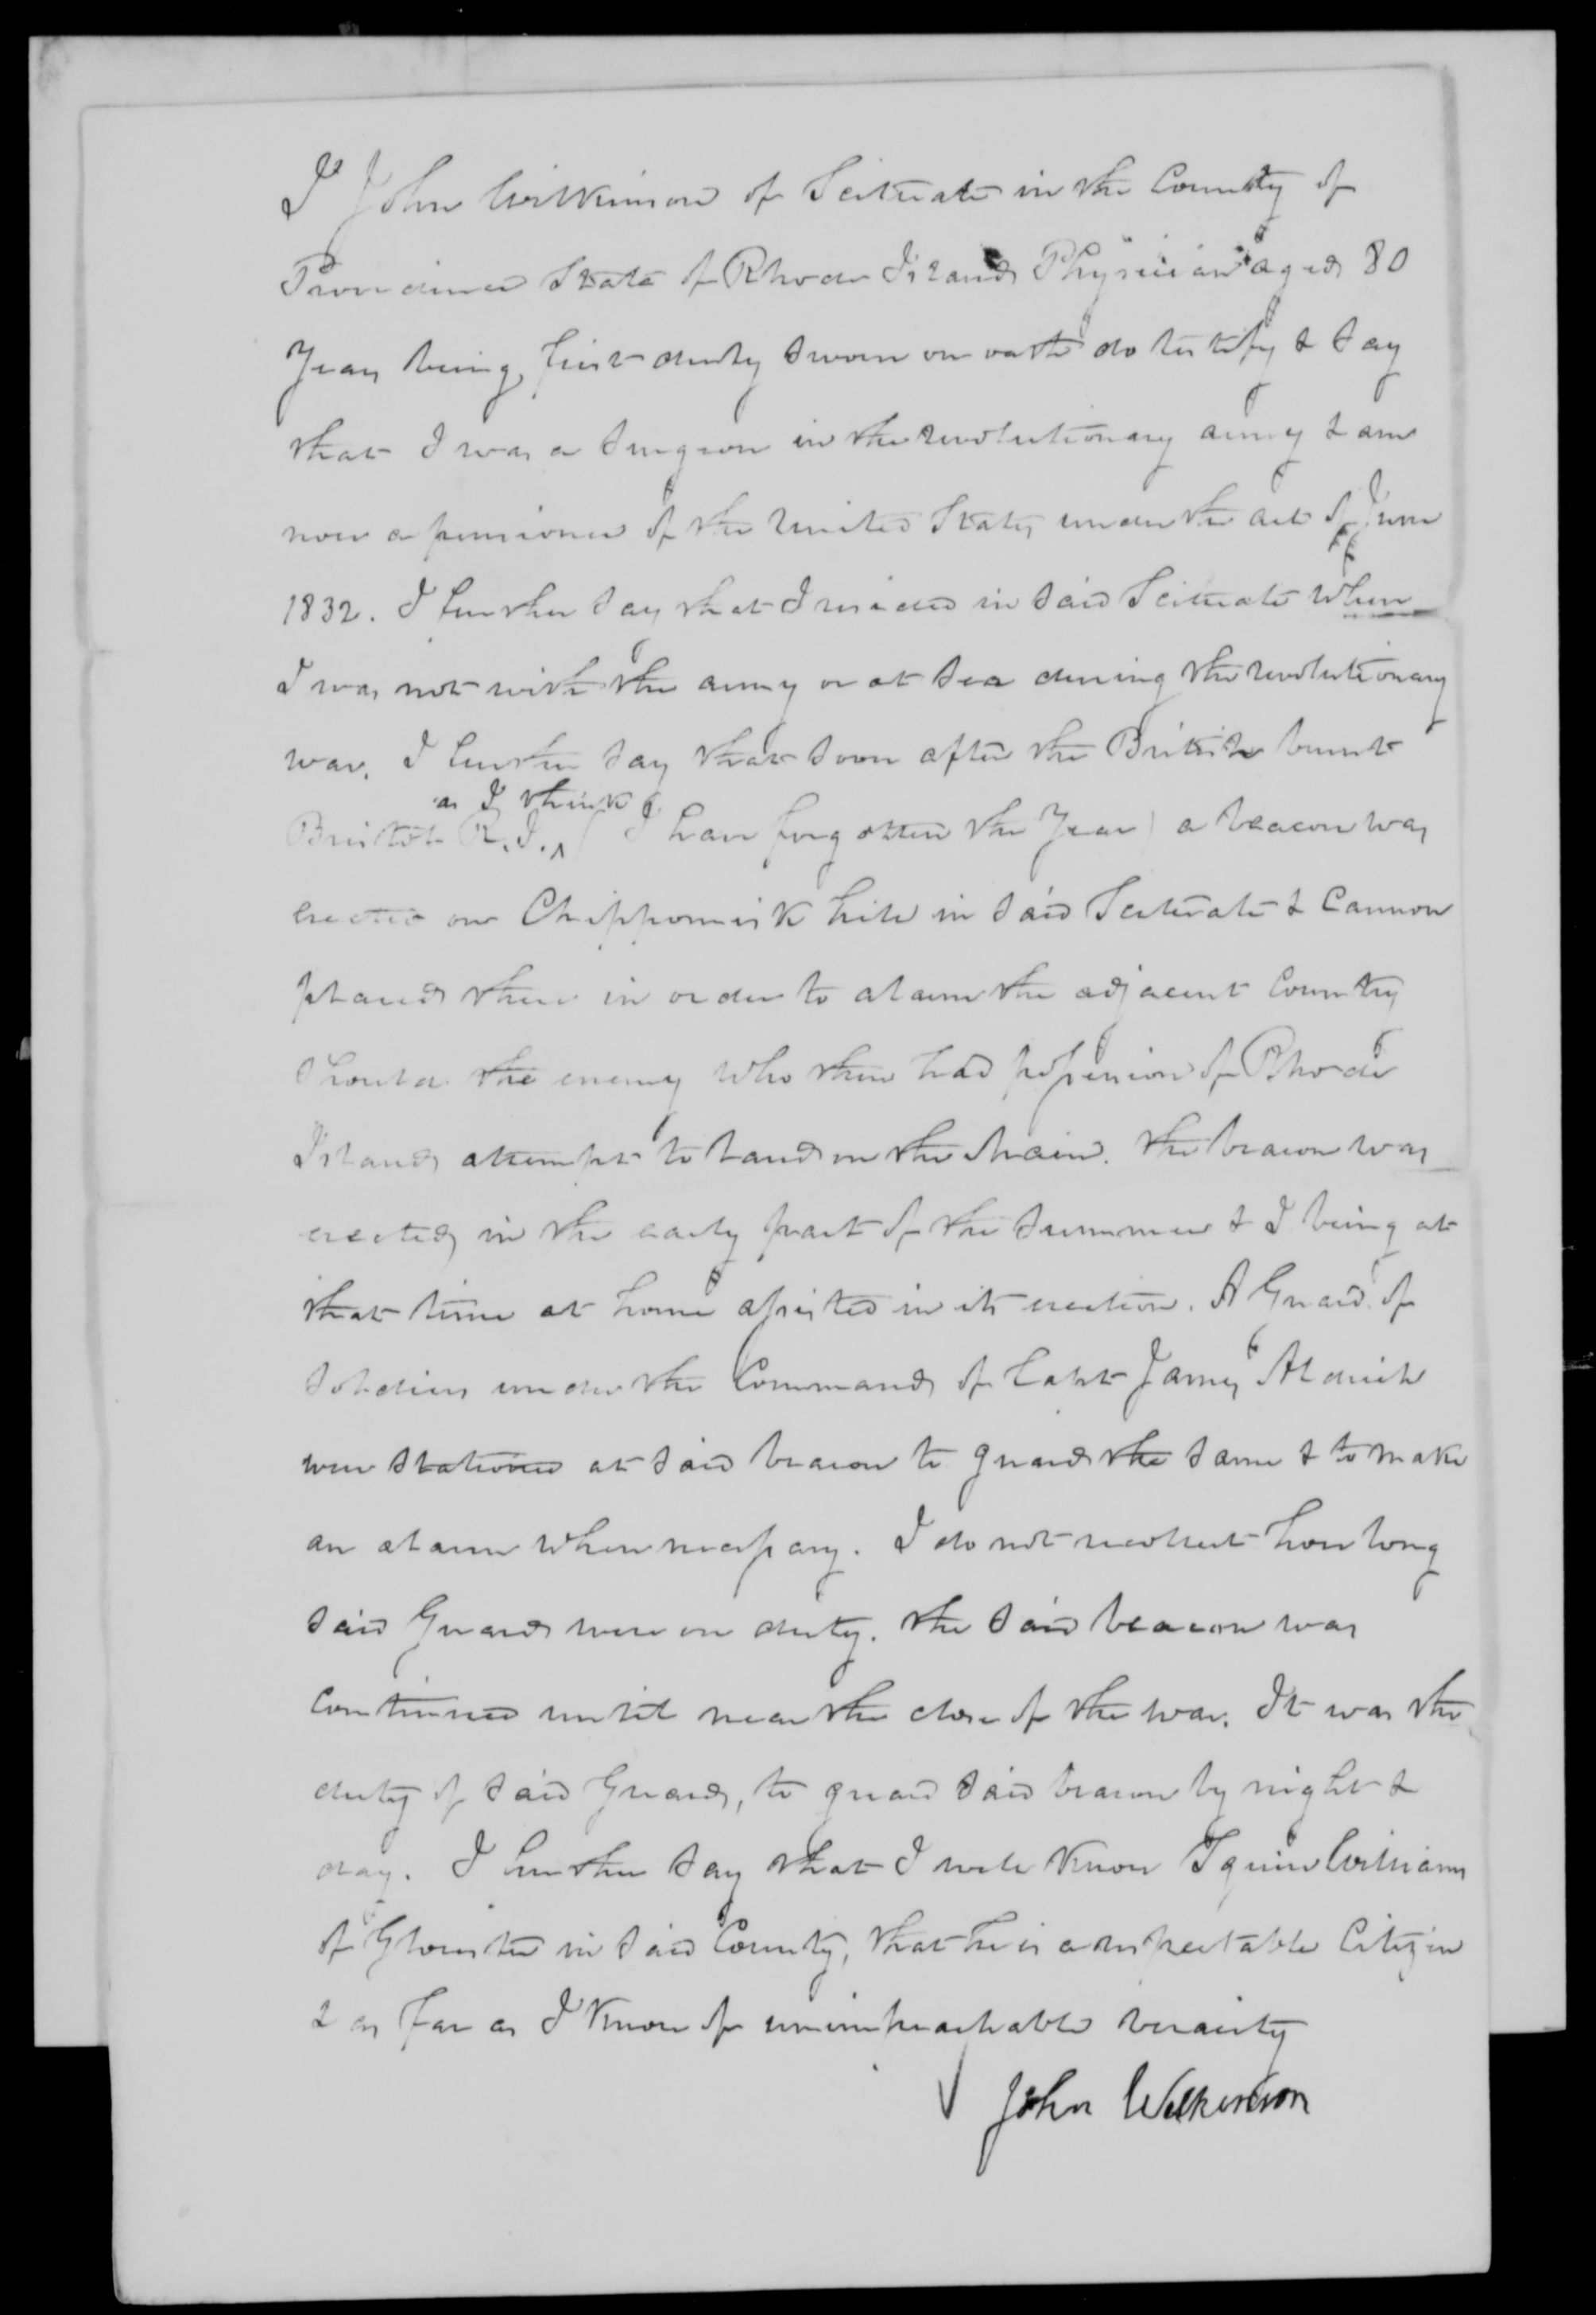I John Wilkinson of Scituate in the County of
Providence State of Rhode Island Physican aged 80 years being first duly sworn on oath do testify & say that I was a Surgeon in the Revolutionary army & am now a pensioner of the United States under the act of June
1832. I further say that I resided in said Scituate when I was not with the army or at Sea during the revolutionary war.  I further say that soon after the British burnt Bristol R.I. (caret mark 'as I think') (I have  
forgotten the year) a beacon was
erected on Chippomisk hill in said Scituate & Cannon placed there in order to alarm the adjacent country should the enemy who then had possession of Rhode Island attempt to land on the (illegible) the beacon was erected in the early part of the summer & I being at
that time at home assisted in its erection. A Guard of Soldiers under the command of Capt James Aldrich were stationed at said beacon to guard the same & to make an alarm when necessary. I do not recollect how long
said Guard were on duty. The said Beacon was
continued until near the close of the war. It was the duty of said Guard, to guard Said beacon by night & day. I further say that I (illegible) know Squire Williams
of Glouster in said County, that he is a respectable citizen as far as I know of unimpeachable veracity

John Wilkinson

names: Squire Williams, James Aldrich, John Willimson, John Wilkinson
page: 17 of 23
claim: survivor's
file: S. 21576, Squire Williams, R. I.